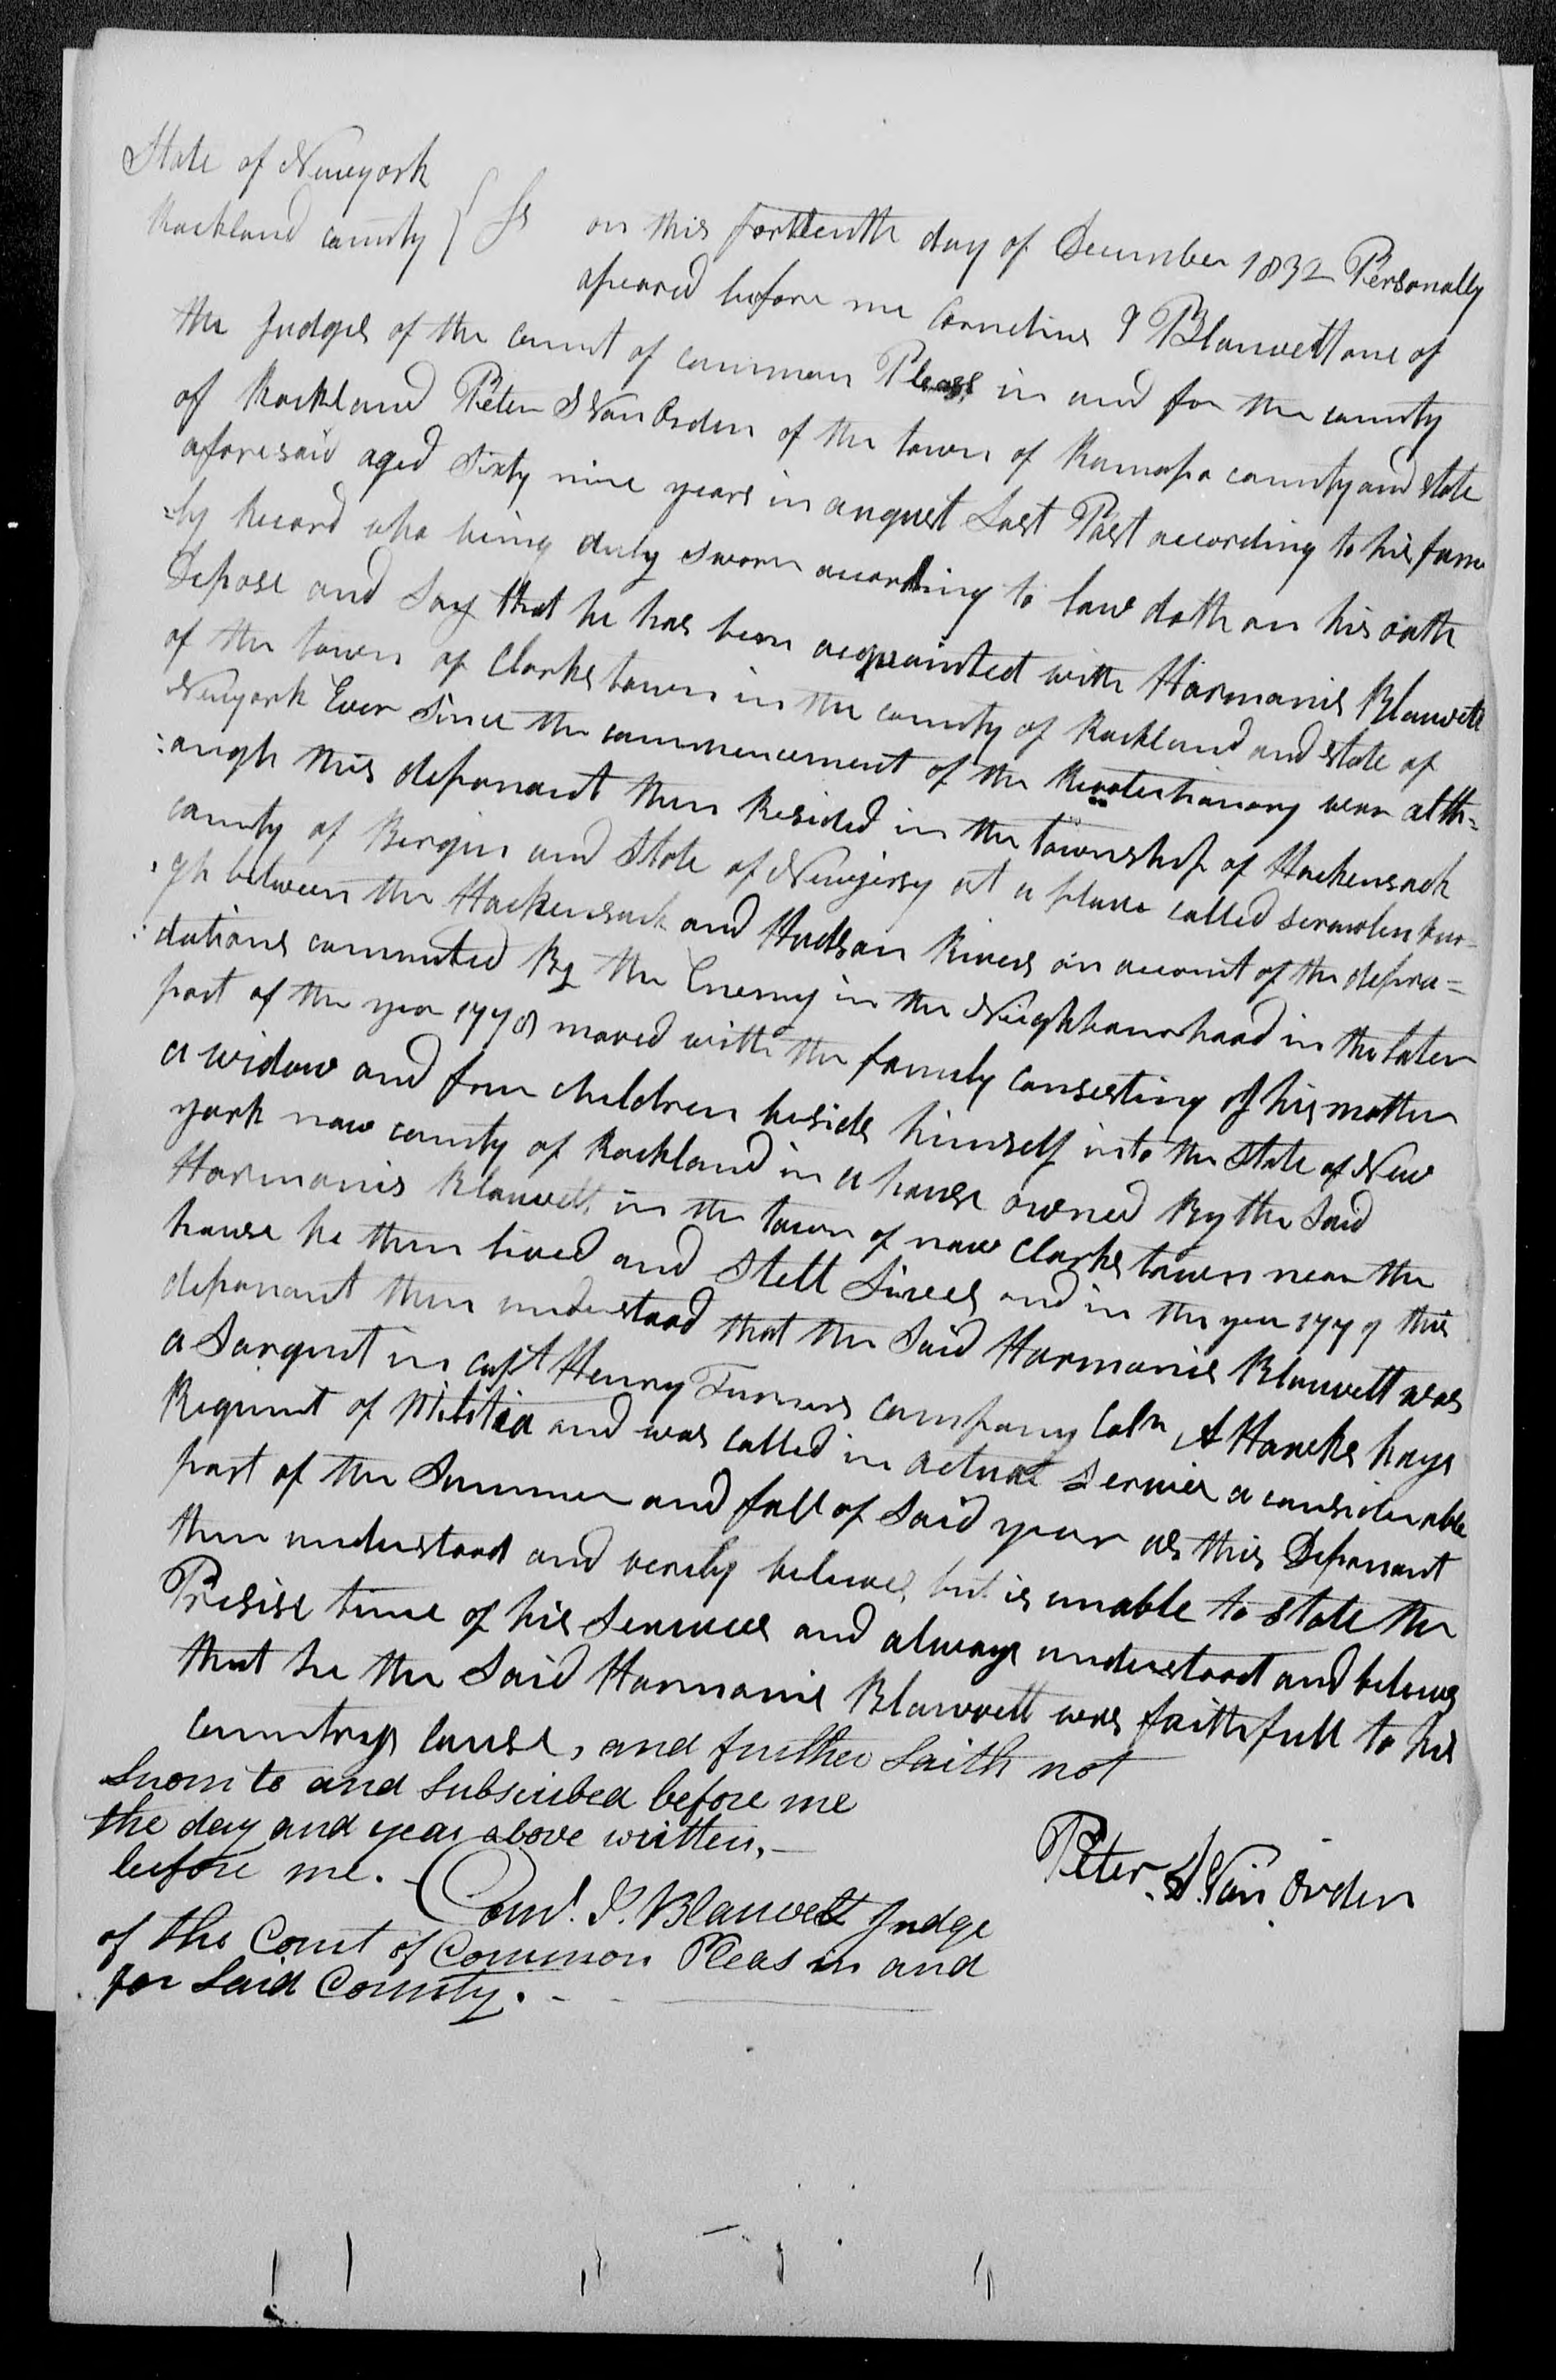State of New York
Rockland County Ss 
On this fourteenth day of December 1832 personally appeared before me Cornelius T Blauvelt one of the Judges of the Court of Common Pleas in and for the county of Rockland Peter S Van Orden of the town of Ramapo county and state aforesaid aged sixty nine years in August last Past according to his family record who being duly sworn according to law doth on his oath depose and say that he has been acquainted with Harmanus Blauvelt of the town of Clarkstown in the county of Rockland and state of New York ever since the commencement of the Revolutionary war although this deponent then resided in the town of Hackensack county of Bergin and State of New Jersey at a place called Scrawtenburgh between the Hackensack and Hudson Rivers on account of the depredations committed by the enemy in the Neighbourhood in the later part of the year 1770 moved with the family consisting of his mother a widow and four children besides himself into the State of New York now county of Rockland in a house owned by the said Harmanus Blauvelt in the town of now Clarkstown near the house he then lived and still lives and in the year 1777 that deponent then understood that the said Harmanus Blauvelt was a Sergeant in Capt Henry Tenures Company Col A Hawkes hays Regiment of Militia and was called in actual service a considerable part of the summer and fall of said year as this deponent then understood and verily believe, but is unable to state the precise time of his service and always understood and believed that he the said Harmanus Blauvelt was faithfull to his countrys cause and further saith not 
[signed] Peter S. Van Orden
Sworn to and subscribed before me the day and year above written, before me. Cornl I Blauvelt Judge of the court of Common Pleas in and for said County.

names: Peter T Van Orden, Harmanis Blauvelt, Peter S Van Orden, Harmanis Blawvelt, Harmanis Blauvelt, Corns I Blauvelt, Harmanis Blauvelt, Cornelius I Blauvelt, A Hawks Hays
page: 21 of 33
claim: survivor's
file: S. 22,653, Harmanus Blauvelt, New York